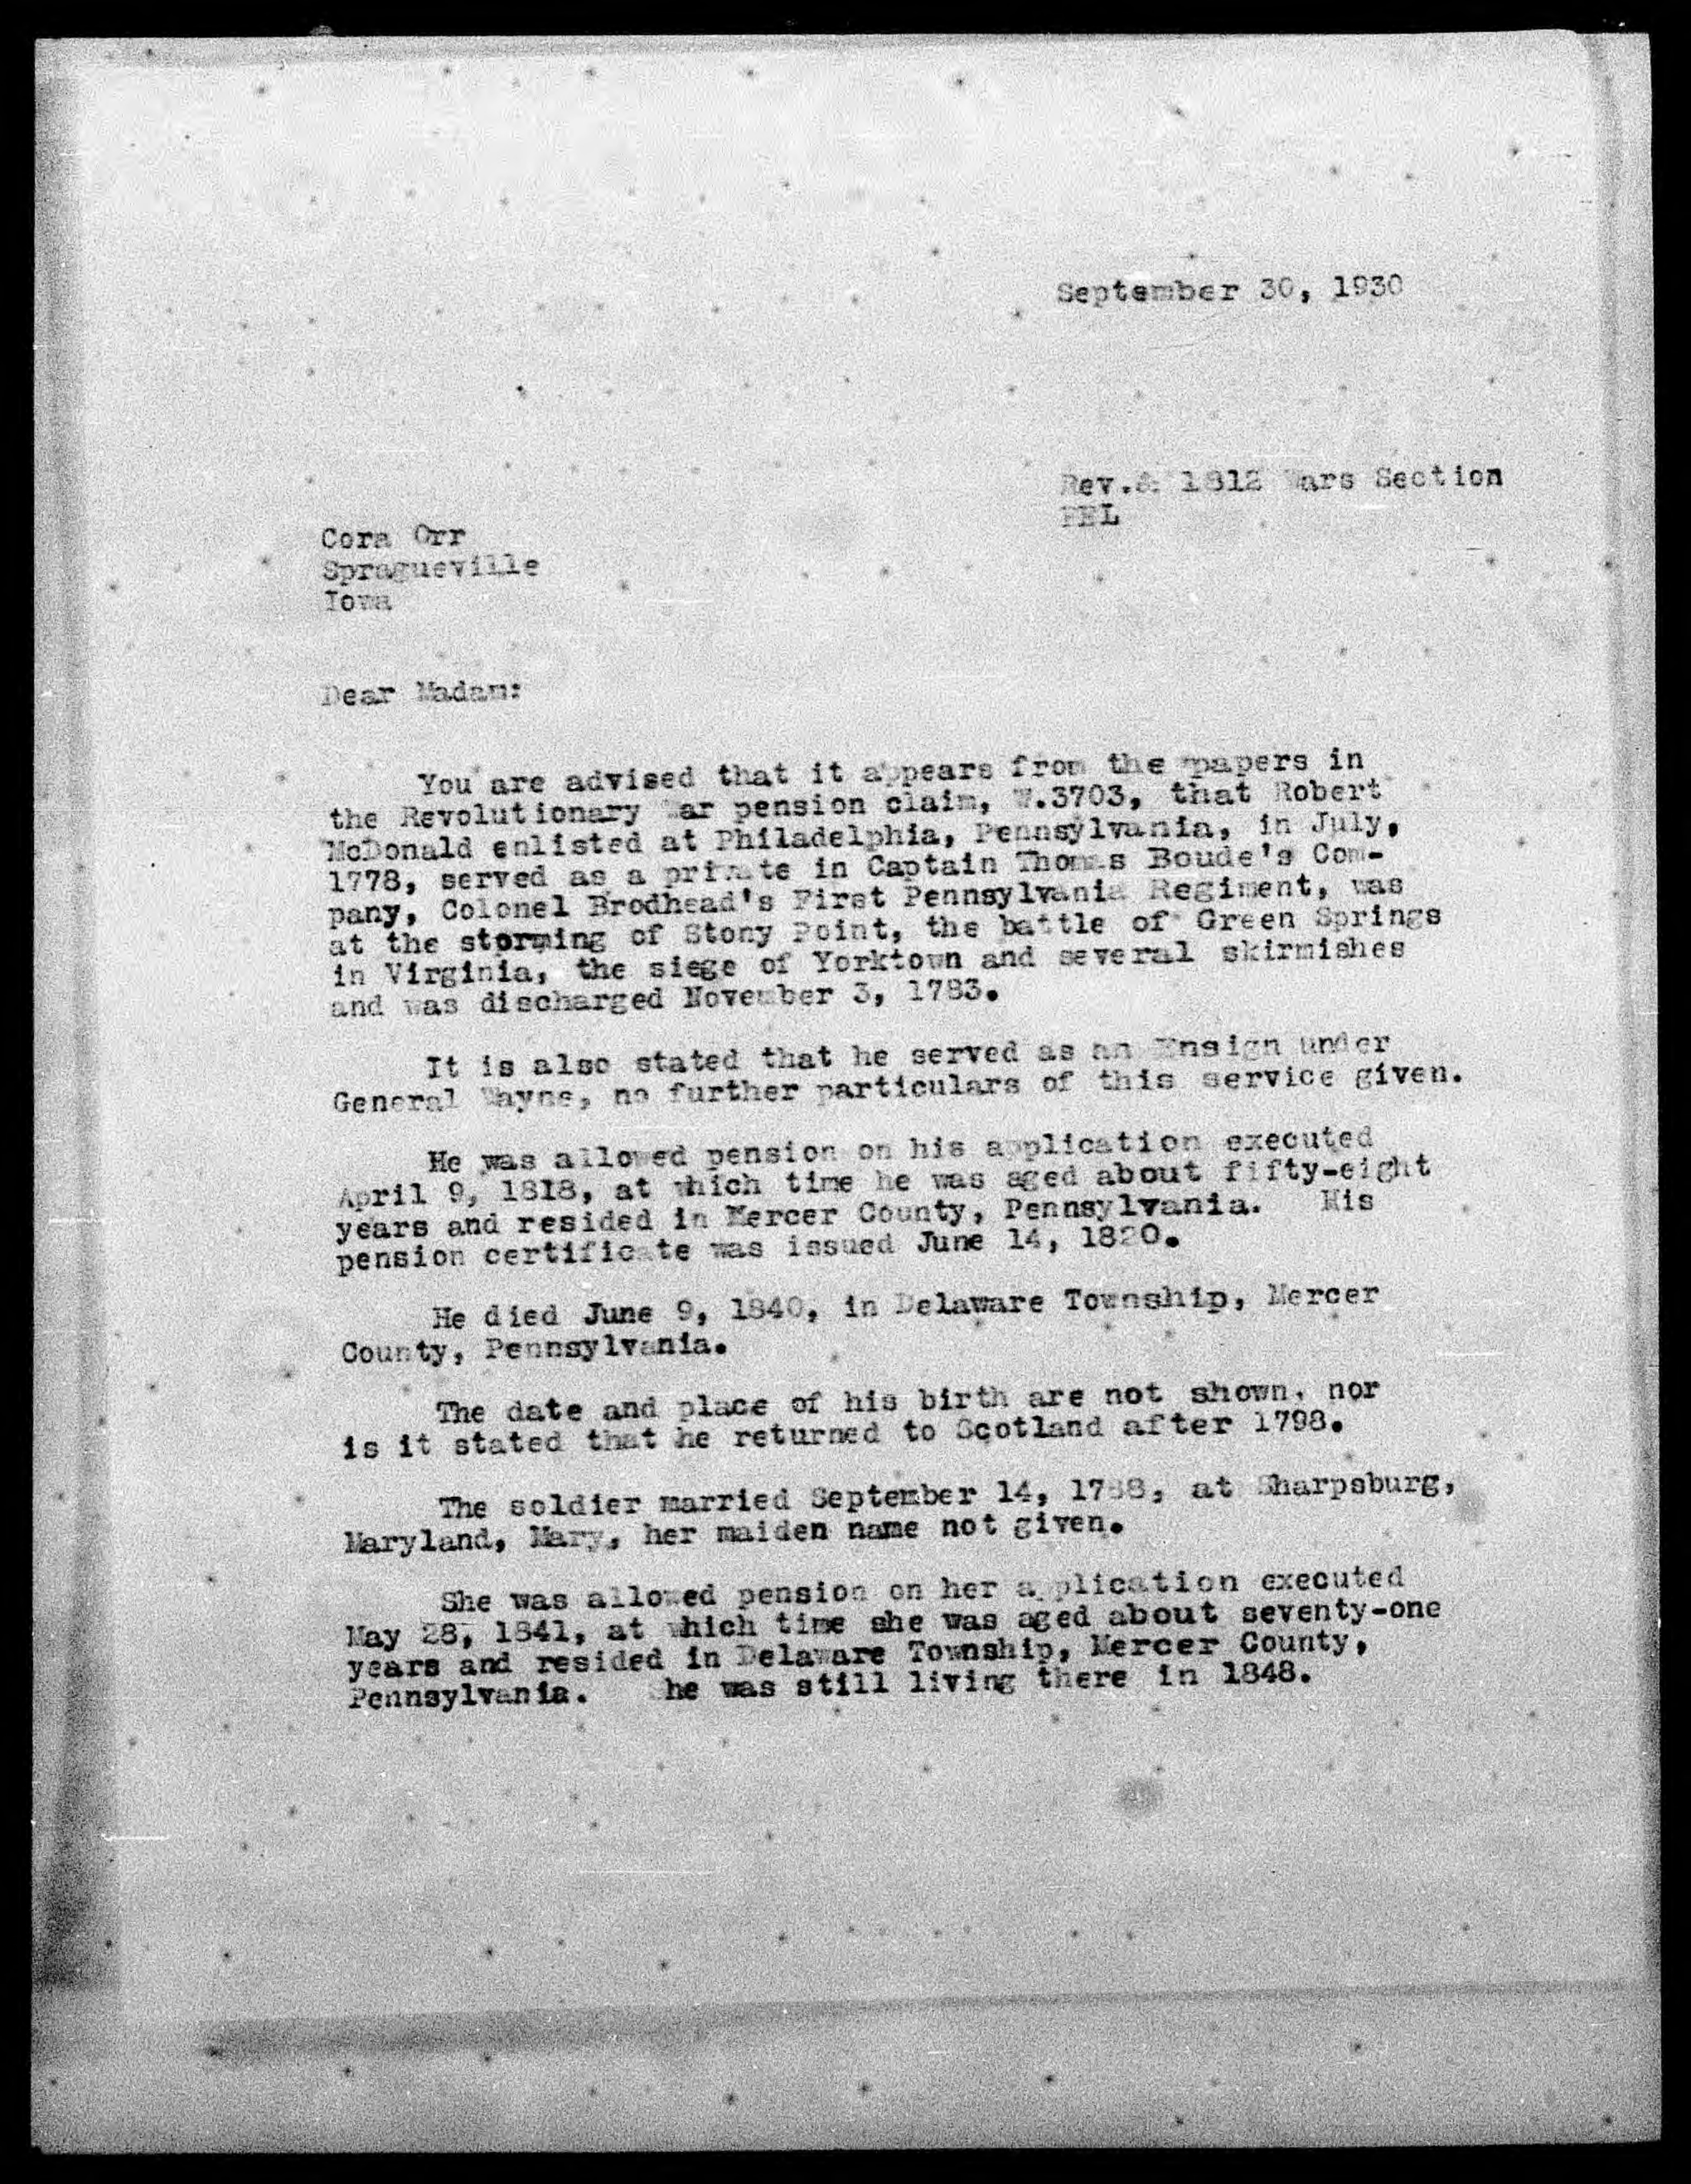September 30, 1930
Cora Orr
Spragueville Iowa
Rev.&1812 Wars Section Pel
Dear Madam:
You are advised that is appears from the papers in the Revolutionary War pension claim, W3703, that Robert McDonald enlisted at Philadlphia, Pennsylvania, in July, 1778, served as a private in Captain Thomas Boude's Company, Colonel Brodhead's First Pennsylvania Regiment, was at the storming of Stony Point, the battle of Green Springs in Virginia, the siege of Yorktown and several skirmishes and was discharged November 3, 1783.
It is also stated that he served as an Ensign under General Wayne, no further particulars of this service given.
He was allowed pension on his application executed April 9, 1818, at which time he was aged about fifty-eight years and resided in Mercer County, Pennsylvania. His pension certificate was issued June 14, 1820.
He died June 9, 1840, in Delaware Township, Mercer County, Pennsylvania
The date and place of his birth are not shown, nor is it stated that he returned to Scotland after 1798. The soldier married September 14, 1788, at Sharpsburg, Maryland, Mary, her maiden name not given.
She was allowed pension on her application executed May 28, 1841, at which time she was aged about seventy-one years and resided in Delaware Township, Mercer County, Pennsylvania. She was still living there in 1848.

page: 51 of 59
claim: widow's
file: W 3703, for Robert Mc Donald, Pennsylvania